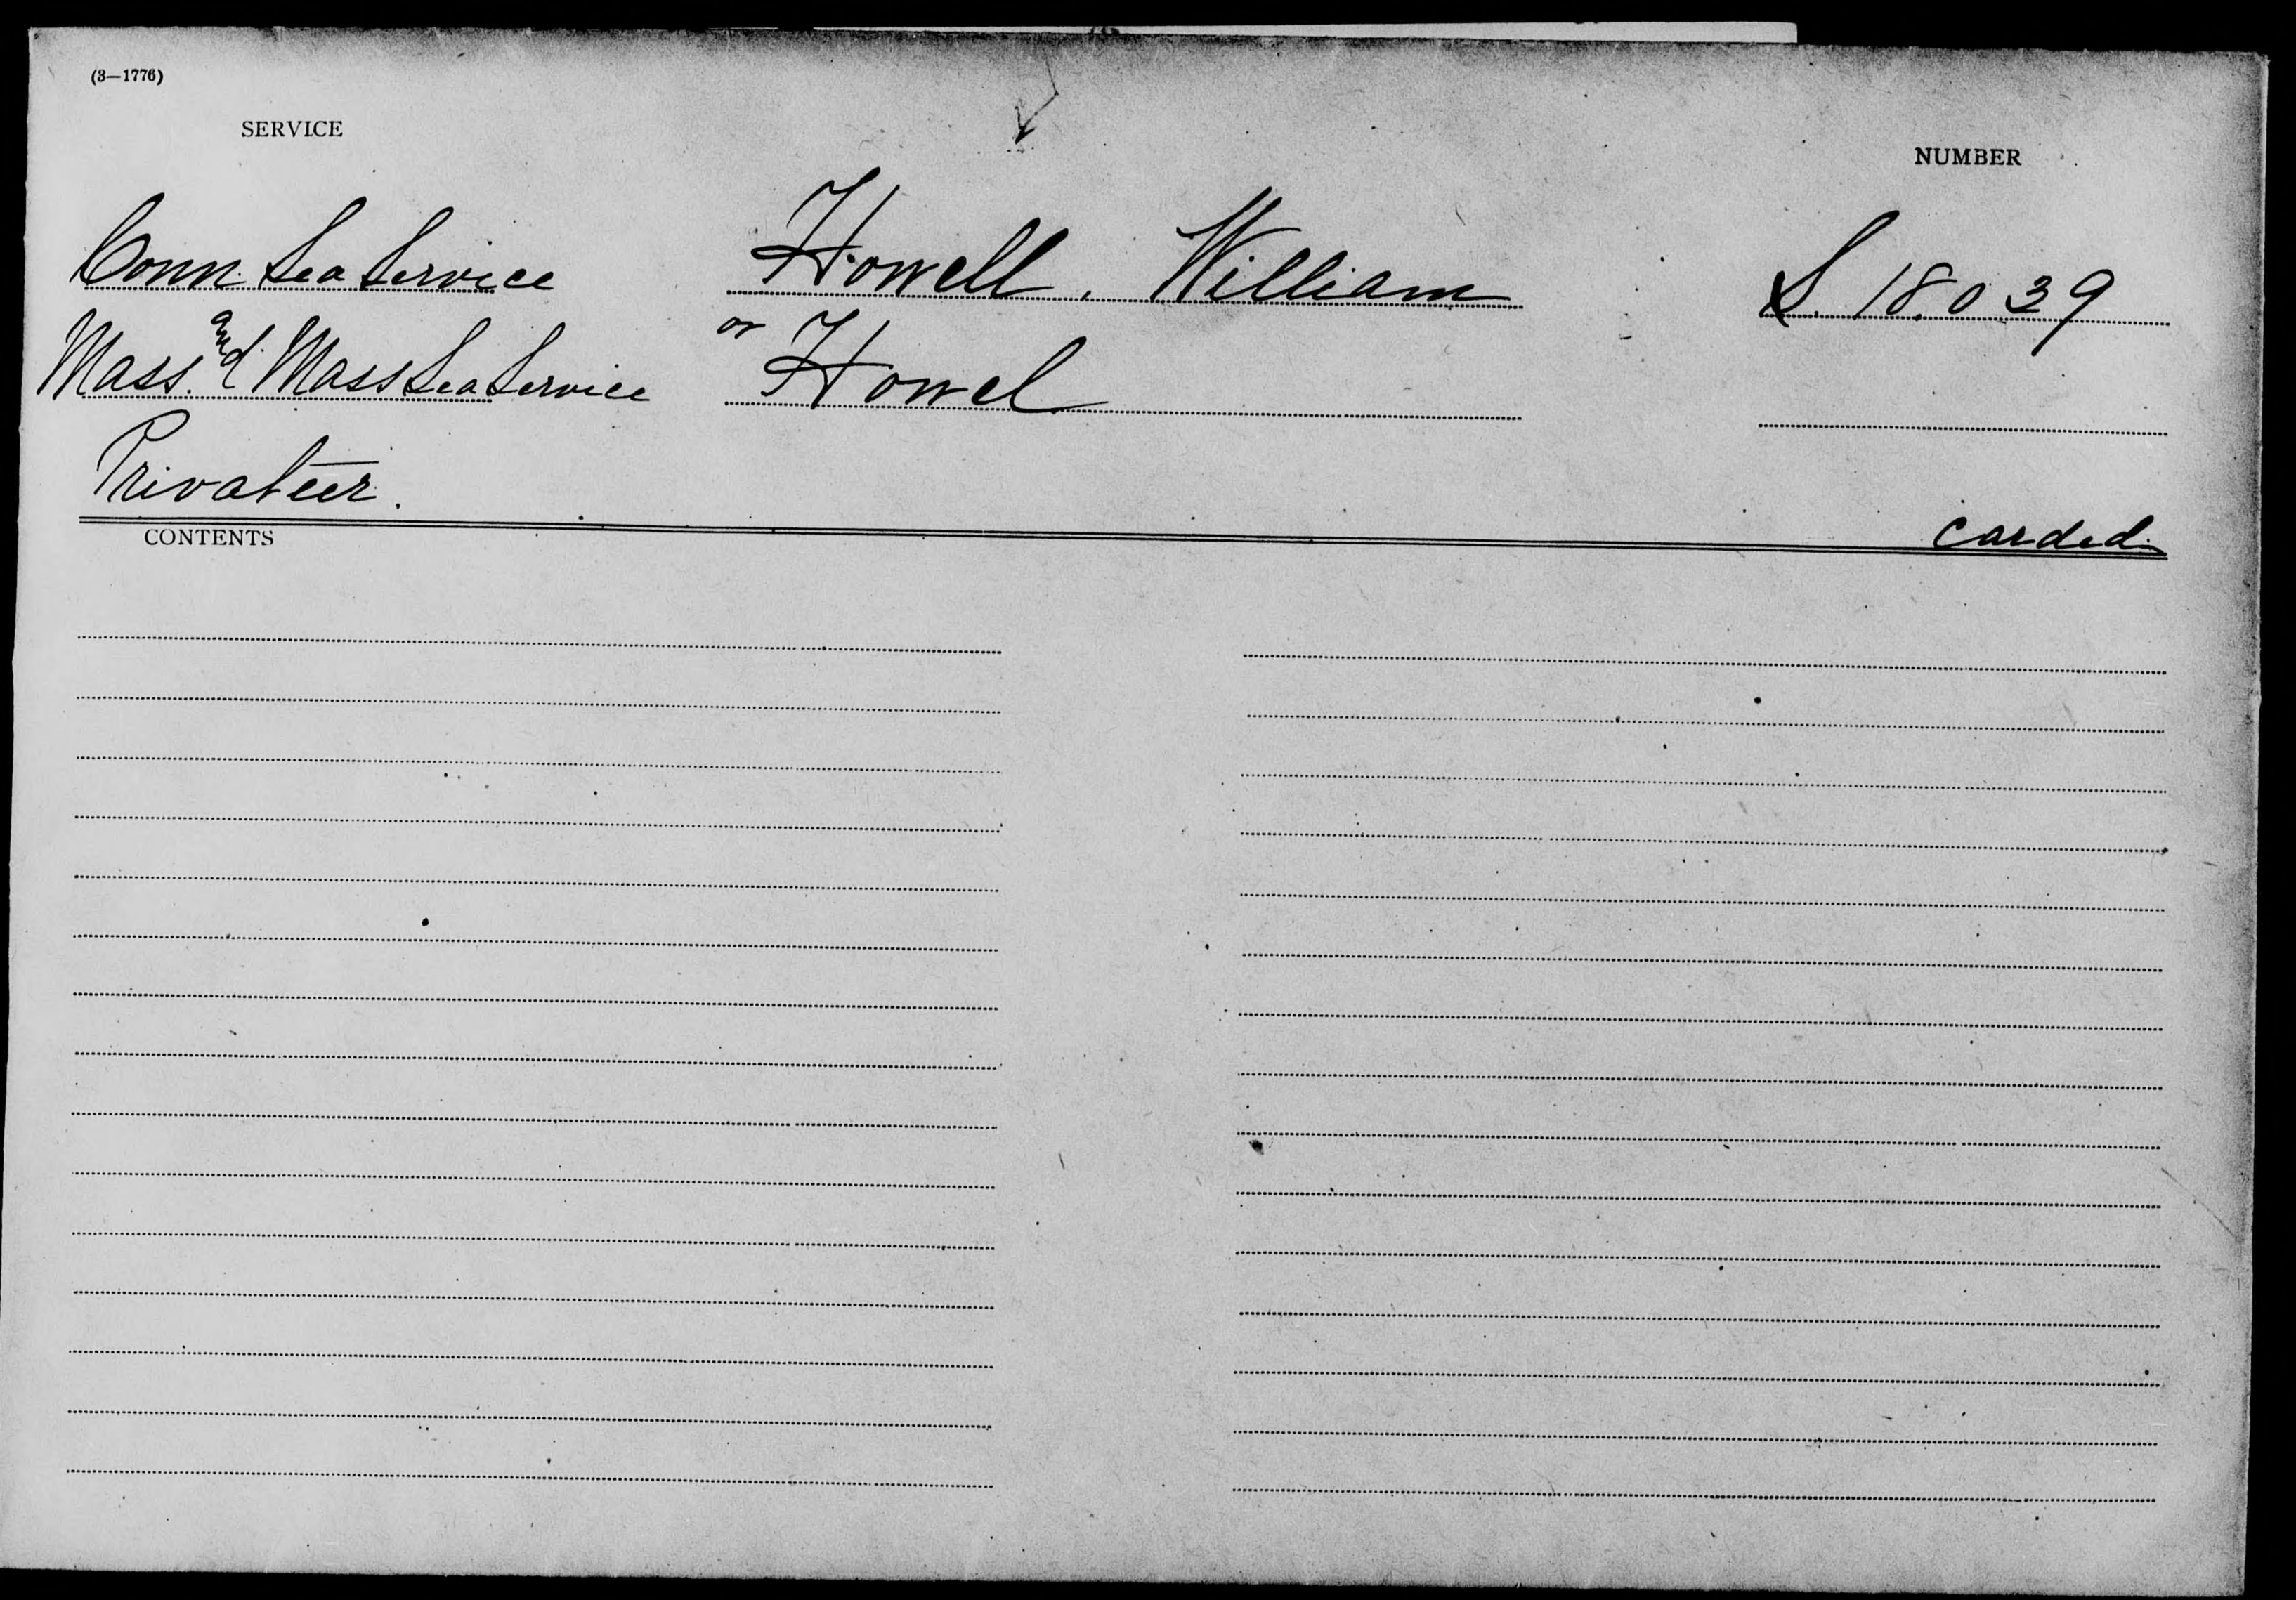(3-1776)
SERVICE
Conn. Sea Services
Mass.  and Mass Sea Service
Privateer

Howell, William
or Howel

Number 
S.18.039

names: William Howel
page: 1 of 18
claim: survivor's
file: S. 18,039, William Howell, Conn. Sea Service Mass. And Mass. Sea Service Privateer